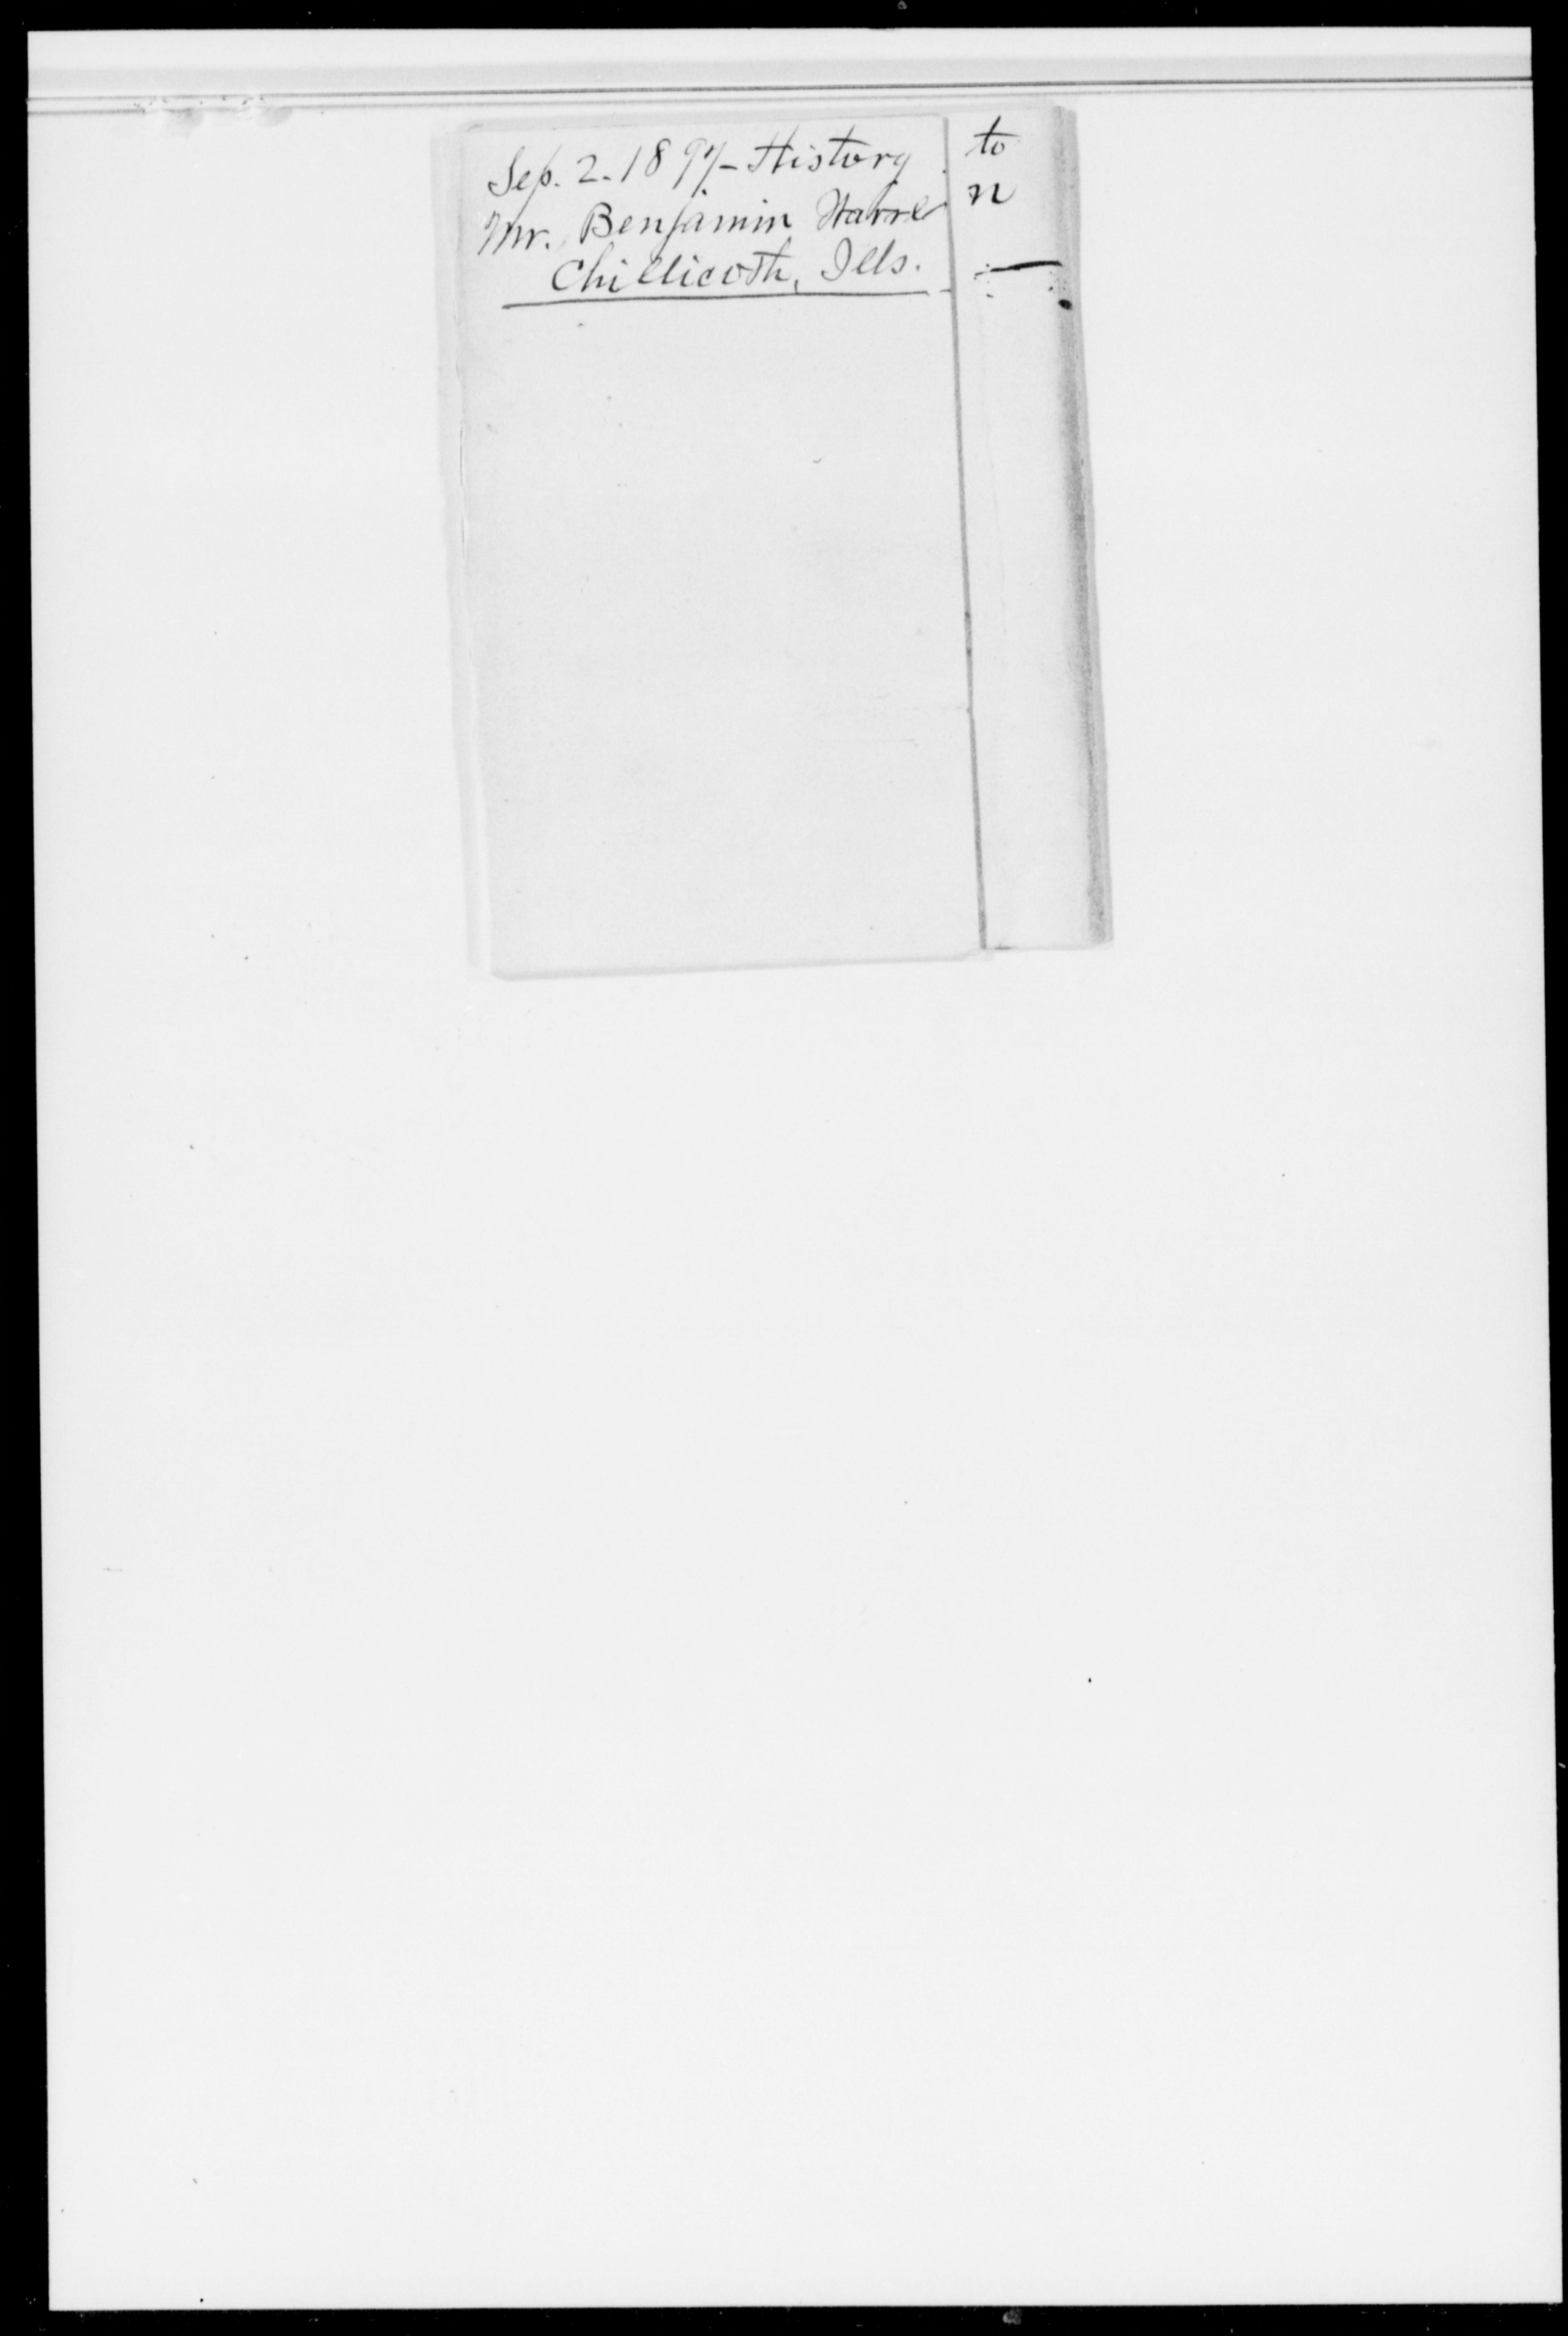Sep. 2, 1897 History to Mr. Benjamin Warren
Chillicoth Ills.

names: Benjamin Warren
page: 16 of 16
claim: survivor's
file: S. 33229, Benjamin Warren, Mass.